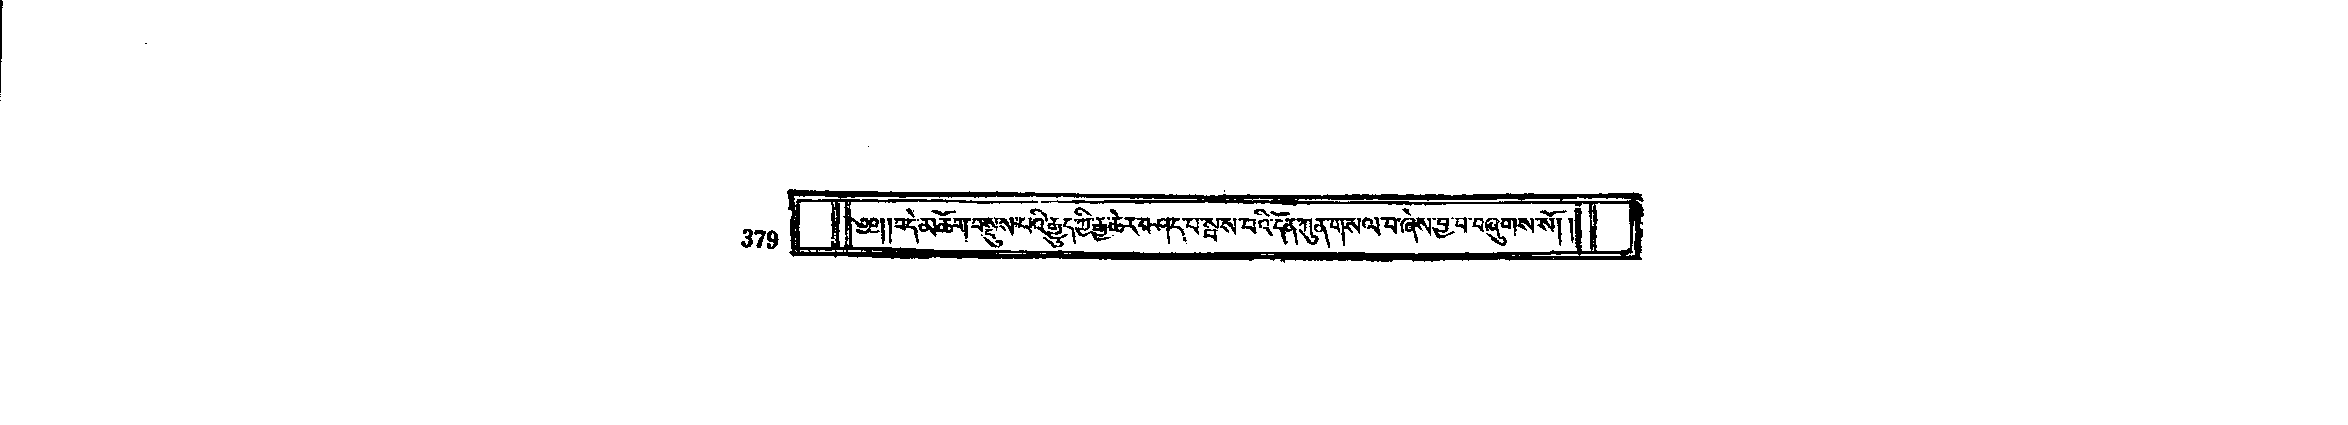༄༅། །བདེ་མཆོག་བསྡུས་པའི་རྒྱུད་ཀྱི་རྒྱ་ཆེར་བཤད་པ་སྦས་པའི་དོན་ཀུན་གསལ་བ་ཞེས་བྱ་བ་བཞུགས་སོ། །